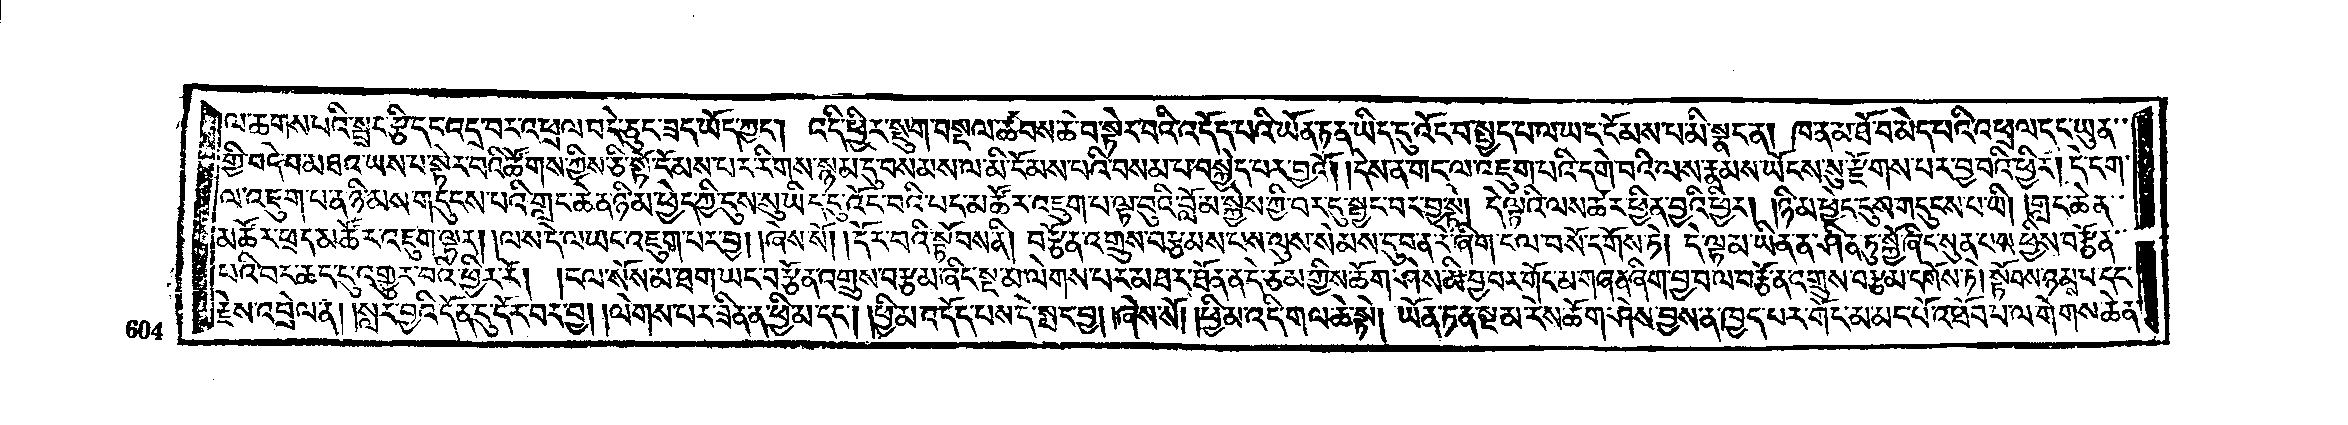ལ་ཆགས་པའི་སྦྲང་རྩི་དང་འདྲ་བར་འཕྲལ་བདེ་ཅུང་ཟད་ཡོད་ཀྱང་། འདི་ཕྱིར་སྡུག་བསྔལ་ཚབས་ཆེ་བ་སྟེར་བའི་འདོད་པའི་ཡོན་ཏན་ཡིད་དུ་འོང་བ་སྤྱད་པ་ལ་ཡང་ངོམས་པ་མི་སྣང་ན། ཁ་ན་མ་ཐོ་བ་མེད་པའི་འཕྲལ་དང་ཡུན་
གྱི་བདེ་བ་མཐའ་ཡས་པ་སྟེར་བའི་ཚོགས་ཀྱིས་ཅི་སྟེ་ངོམས་པར་རིགས་སྙམ་དུ་བསམས་ལ་མི་ངོམས་པའི་བསམ་པ་བསྐྱེད་པར་བྱའོ། །དེས་ན་གང་ལ་འཇུག་པའི་དགེ་བའི་ལས་རྣམས་ཡོངས་སུ་རྫོགས་པར་བྱ་བའི་ཕྱིར། དེ་དག་
ལ་འཇུག་པ་ན་ཉི་མས་གདུངས་པའི་གླང་ཆེན་ཉི་མ་ཕྱེད་ཀྱི་དུས་སུ་ཡིད་དུ་འོང་བའི་པད་མཚོར་འཇུག་པ་ལྟ་བུའི་བློ་མ་སྐྱེས་ཀྱི་བར་དུ་སྦྱང་བར་བྱ་སྟེ། དེ་ལྟའི་ལས་ཚར་ཕྱིན་བྱའི་ཕྱིར། །ཉི་མ་ཕྱེད་དུས་གདུངས་པ་ཡི། །གླང་ཆེན་
མཚོར་ཕྲད་མཚོར་འཇུག་ལྟར། །ལས་དེ་ལ་ཡང་འཇུག་པར་བྱ། །ཞེས་སོ། །དོར་བའི་སྟོབས་ནི། བརྩོན་འགྲུས་བརྩམས་པས་ལུས་སེམས་དུབ་ན་རེ་ཞིག་ངལ་བསོ་དགོས་ཏེ། དེ་ལྟ་མ་ཡིན་ན་ཤིན་ཏུ་སྐྱོ་ཞིང་སུན་པས་ཕྱིས་བརྩོན་
པའི་བར་ཆད་དུ་འགྱུར་བའི་ཕྱིར་རོ། །ངལ་སོས་མ་ཐག་ཡང་བརྩོན་འགྲུས་བརྩམ་ཞིང་སྔ་མ་ལེགས་པར་མཐར་ཐོན་ན་དེ་ཙམ་གྱིས་ཆོག་ཤེས་མི་བྱ་བར་གོང་མ་གཞན་ཞིག་བྱ་བ་ལ་བརྩོན་འགྲུས་བརྩམ་དགོས་ཏེ། སྟོབས་ཉམས་པ་དང་
རྗེས་འབྲེལ་ན། །སླར་བྱའི་དོན་དུ་དོར་བར་བྱ། །ལེགས་པར་ཟིན་ན་ཕྱི་མ་དང་། །ཕྱི་མ་འདོད་པས་དེ་སྤང་བྱ། །ཞེས་སོ། །ཕྱི་མ་འདི་གལ་ཆེ་སྟེ། ཡོན་ཏན་སྔ་མ་རེས་ཆོག་ཤེས་བྱས་ན་ཁྱད་པར་གོང་མ་མང་པོ་འཐོབ་པ་ལ་གེགས་ཆེན་